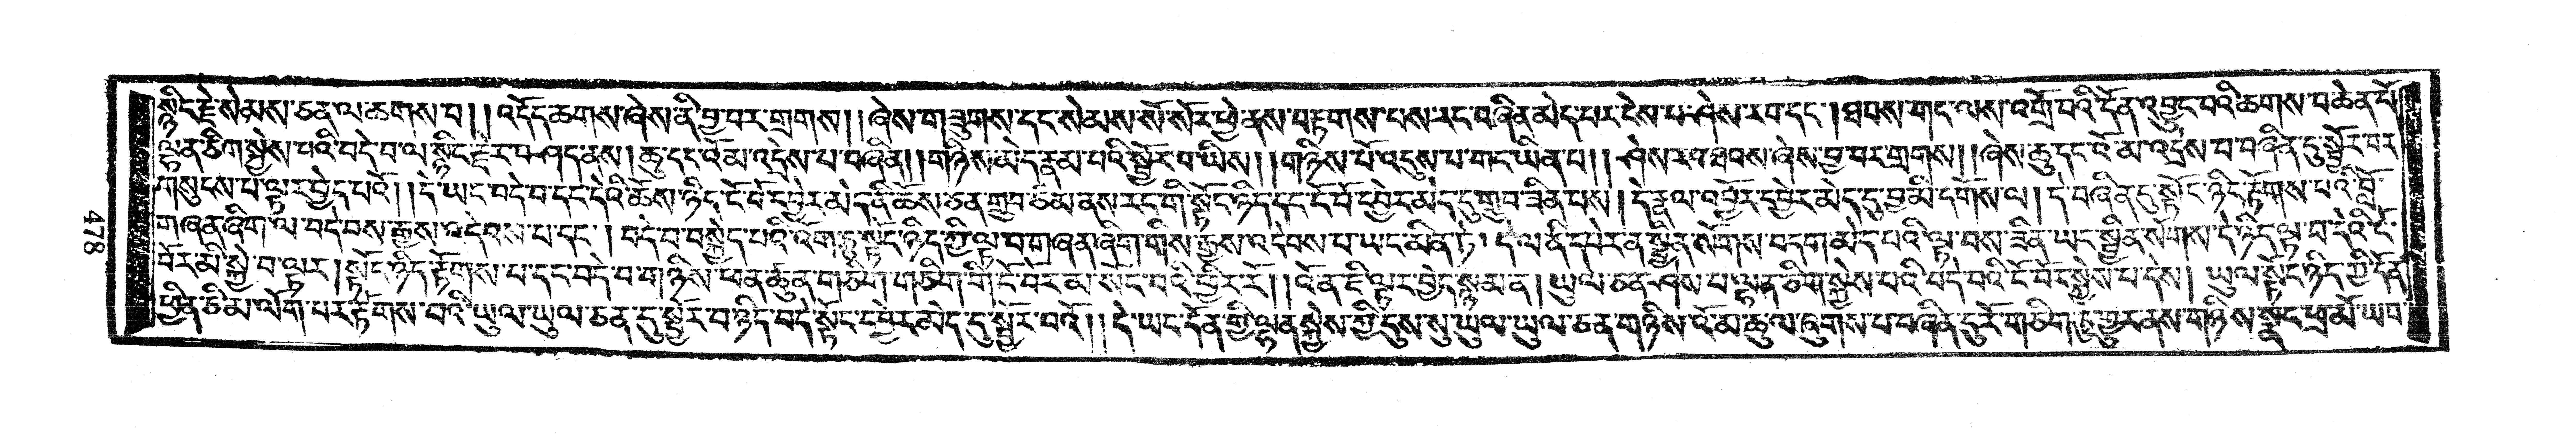སྙིང་རྗེ་སེམས་ཅན་ལ་ཆགས་པ། །འདོད་ཆགས་ཞེས་ནི་བྱ་བར་གྲགས། །ཞེས་གཟུགས་དང་སེམས་སོ་སོར་བྱ་ནས་བརྟགས་པས་རང་བཞིན་མེད་པར་ངེས་པ་ཤེས་རབ་དང་། ཐབས་གང་ལས་འགྲོ་བའི་དོན་འབྱུང་བའི་ཆགས་པ་ཆེན་པོ་
ལྷན་ཅིག་སྐྱེས་པའི་བདེ་བ་ལ་སྙིང་རྗེར་བཤད་ནས། ཆུ་དང་འོ་མ་འདྲེས་པ་བཞིན། །གཉིས་མེད་རྣམ་པའི་སྦྱོར་བ་ཡིས། །གཉིས་པོ་འདུས་པ་གང་ཡིན་པ། །ཤེས་རབ་ཐབས་ཤེས་བྱ་བར་གྲགས། །ཞེས་ཆུ་དང་འོ་མ་འདྲེས་པ་བཞིན་དུ་སྦྱོར་བར་
གསུངས་པ་ལྟར་བྱེད་པའོ། །དེ་ཡང་བདེ་བ་དང་དེའི་ཆོས་ཉིད་ངོ་བོ་དབྱེར་མེད་ནི་ཆོས་ཅན་གྲུབ་ཙམ་ནས་རང་གི་སྟོང་ཉིད་དང་ངོ་བོ་དབྱེར་མེད་དུ་གྲུབ་ཟིན་པས། དེ་རྣལ་འབྱོར་དབྱེར་མེད་དུ་བྱ་མི་དགོས་ལ། དེ་བཞིན་དུ་སྟོང་ཉིད་རྟོགས་པའི་བློ་
གཞན་ཞིག་ལ་བདེ་བས་རྒྱས་འདེབས་པ་དང་། བདེ་བ་བསྐྱེད་པའི་འོག་ཏུ་སྟོང་ཉིད་ཀྱི་ལྟ་བ་གཞན་ཞིག་གིས་རྒྱས་འདེབས་པ་ཡང་མིན་ཏེ། དེ་ལ་ནི་དཔེར་ན་སྦྱིན་སོགས་བདག་མེད་པའི་ལྟ་བས་ཟིན་ཡང་སྦྱིན་སོགས་དེ་ཉིད་ལྟ་བ་དེའི་ངོ་
བོར་མི་སྐྱེ་བ་ལྟར། སྟོང་ཉིད་རྟོགས་པ་དང་བདེ་བ་གཉིས་ཕན་ཚུན་གཅིག་གཅིག་གི་ངོ་བོར་མ་སོང་བའི་ཕྱིར་རོ། །འོ་ན་ཇི་ལྟར་བྱད་སྙམ་ན། ཡུལ་ཅན་ཤེས་པ་ལྷན་ཅིག་སྐྱེས་པའི་བདེ་བའི་ངོ་བོར་སྐྱེས་པ་དེས། ཡུལ་སྟོང་ཉིད་ཀྱི་དོན་
ཕྱིན་ཅི་མ་ལོག་པར་རྟོགས་པའི་ཡུལ་ཡུལ་ཅན་དུ་སྦྱོར་བ་ཉིད་བདེ་སྟོང་དབྱེར་མེད་དུ་སྦྱོར་བའོ། །དེ་ཡང་དོན་གྱི་ལྷན་སྐྱེས་ཀྱི་དུས་སུ་ཡུལ་ཡུལ་ཅན་གཉིས་འོ་མ་ཆུ་ལ་ཞུགས་པ་བཞིན་དུ་རོ་གཅིག་ཏུ་གྱུར་ནས་གཉིས་སྣང་ཕྲ་མོ་ཡང་